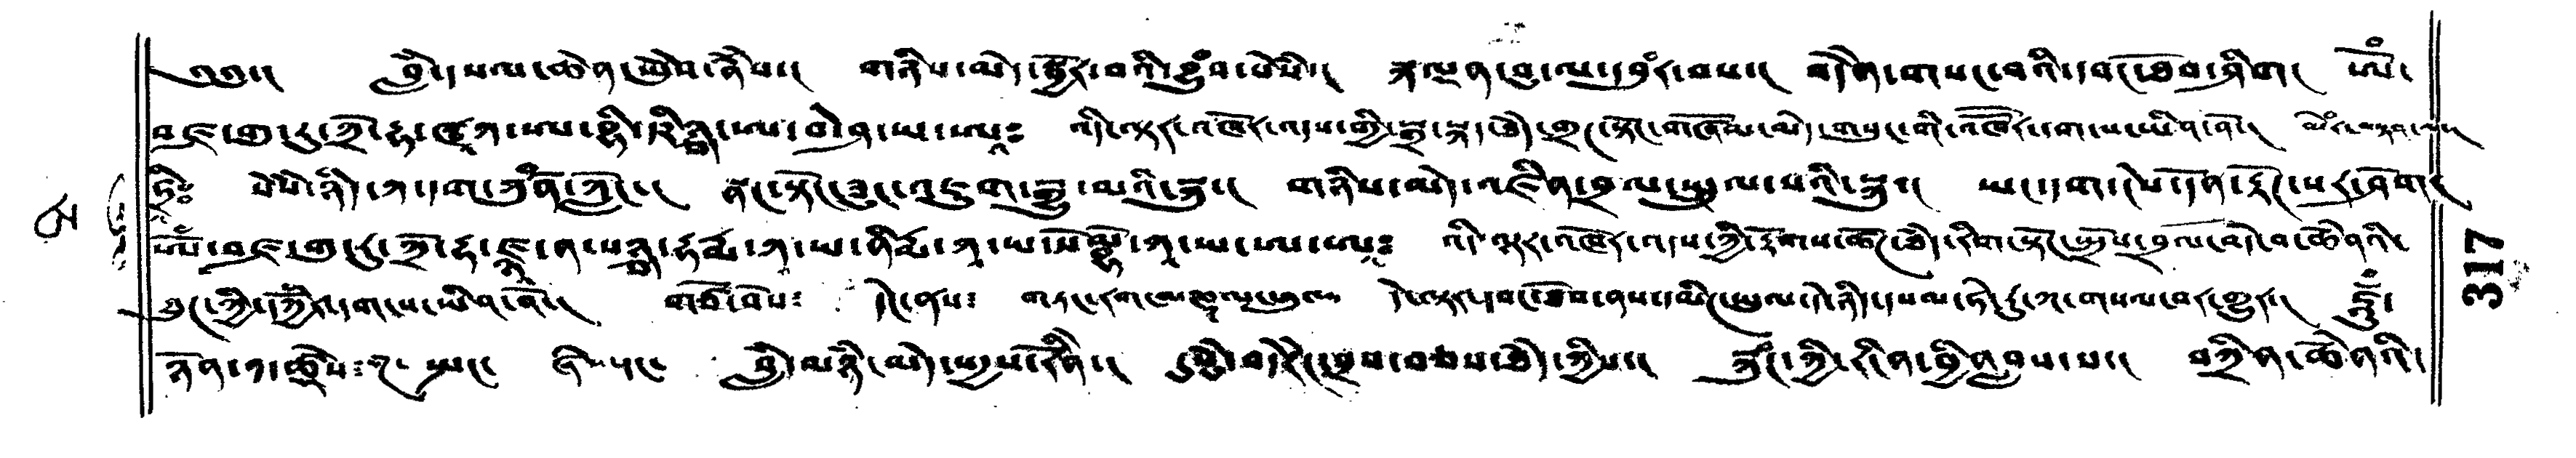བླ་མ་དཔལ་ཆེན་ཡབ་ཡུམ་རྣམས། །གཉིས་མེད་སྦྱོར་བའི་བྱང་ཆུབ་སེམས། །སྐལ་ལྡན་བུ་ལ་དབང་བསྐུར་བས། །བདེ་སྟོང་གསང་བའི་དབང་འཐོབ་ཤོག ཨོཾ་
བཛྲ་གུ་རུ་ཀྲོ་དྷ་ཝཱཀ་ཨ་བྷི་རིཉྩ་ཨ་ཝེ་ཤ་ཡ་ཨཱཿ འདི་ལྟར་འཁོར་འདས་གྱི་སྒྲ་སྐད་ཐམས་ཅད་གྲགས་སྟོང་གཞོམ་མེད་གསུང་གི་འཁོར་ལོར་དག་པ་ཡིན་ནོ། མར་མེ་བསྟན་ལ། 
ཧྲཱིཿ སེམས་ཉིད་ཀ་དག་ཀུན་བཟང་ཀློང་། །སྣང་སྟོང་ཟུང་འཇུག་སྒྱུ་མའི་སྐུ། །གཉིས་མེད་འཛིན་བྲལ་སྤྲུལ་པའི་སྐུ། །ཡང་དག་ངེས་དོན་རྟོགས་པར་ཤོག 
ཨོཾ་བཛྲ་གུ་རུ་ཀྲོ་དྷ་ཛྙཱ་ན་པཉྩ་དྷརྨ་ཀཱ་ཡ་སམྦྷོ་ཀཱ་ཡ་ཨ་ཨཱཿ འདི་ལྟར་འཁོར་འདས་ཀྱི་རྟོག་ཚོགས་ཐམས་ཅད་རིག་སྟོང་སྤྲོས་བྲལ་བདེ་བ་ཆེན་པོའི་
ཐུགས་ཀྱི་དཀྱིལ་འཁོར་དུ་དག་པ་ཡིན་ནོ། གཙོ་བོས༴ དེང་ནས༴ གཏང་རག་མཎྜལ་ཕུལ། དེ་ལྟར་དབང་ཐོབ་ནས་དམིགས་ཡུལ་དེ་ཉིད་དཔལ་ཧེ་རུ་ཀ་གསལ་བར་གྱུར། ཧཱུྃ༔ 
ཉོན་གཅིག་ཚེ་འདས༴ སོགས། ས སྤང་། ཞེས་དང་། བླ་མ་མཉམ་མེད་སངས་རྒྱས་རིན་པོ་ཆེ། །དུས་གསུམ་བདེ་གཤེགས་སྲས་བཅས་ཐམས་ཅད་ཀྱིས། །སྐུ་གསུང་ཐུགས་ཀྱི་རང་བཞིན་བྱིན་བརླབས་པ། །བཀའ་དྲིན་ཆེན་པོའི་